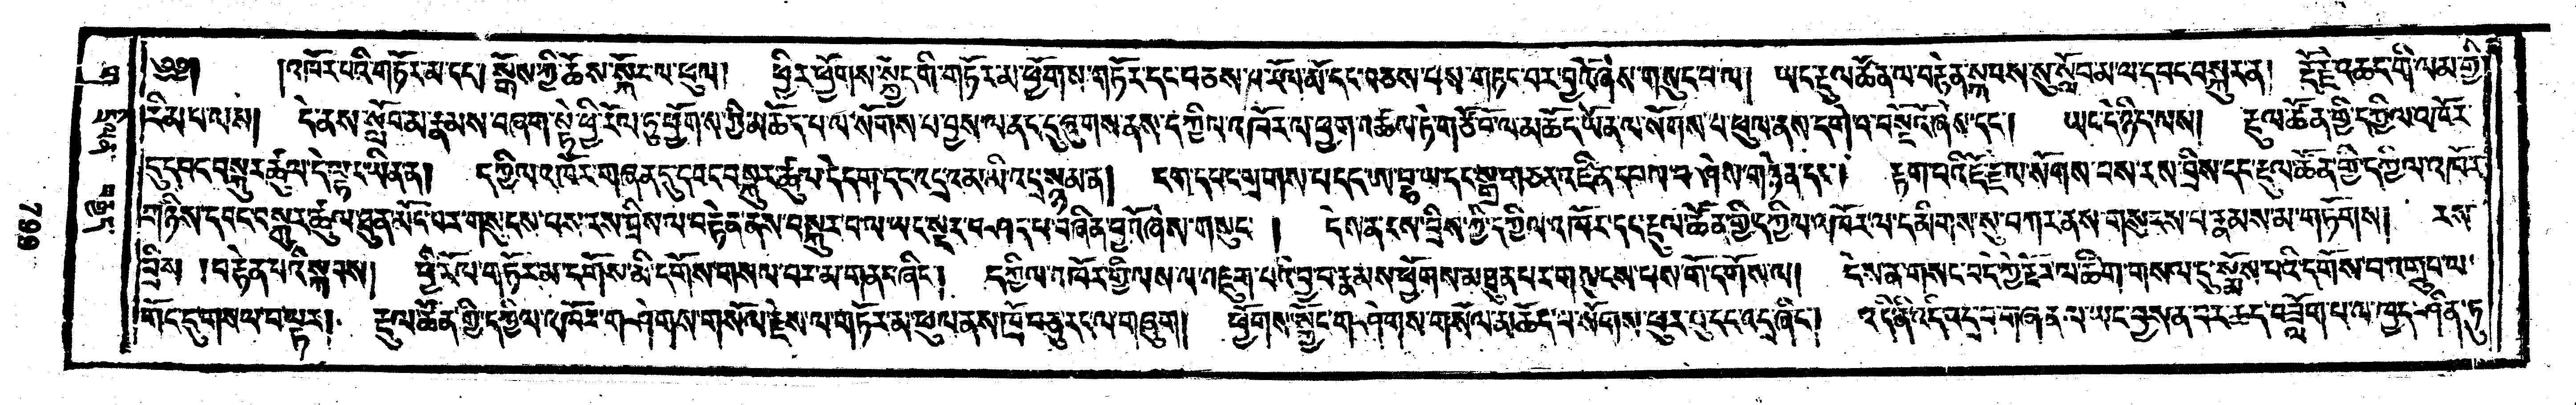༄༅། །འཁོར་པའི་གཏོར་མ་དང་། སྒོས་ཀྱི་ཆོས་སྐོང་ལ་ཕུལ། ཕྱིར་ཕྱོགས་སྐྱོང་གི་གཏོར་མ་ཕྱོགས་གཏོར་དང་བཅས་ཕ་རོལ་མོ་དང་བཅས་པས་གཏང་བར་བྱའོ་ཞེས་གསུང་བ་ལ། ཡང་རྡུལ་ཚོན་ལ་བརྟེན་སྐབས་སུ་སློབ་མ་ལ་དབང་བསྐུར་ན། རྡོ་རྗེ་འཆང་གི་ལམ་གྱི་
རིམ་པ་ལས། དེ་ནས་སློབ་མ་རྣམས་བཞག་སྟེ་ཕྱི་རོལ་ཏུ་ཕྱོགས་ཀྱི་མཆོད་པ་ལ་སོགས་པ་བྱས་ལ་ནང་དུ་ཞུགས་ནས་དཀྱིལ་འཁོར་ལ་ཕྱག་འཚལ་ཏེ་གཙོ་བོ་ལ་མཆོད་ཡོན་ལ་སོགས་པ་ཕུལ་ནས་དགེ་བ་བསྔོའོ་ཞེས་དང་། ཡང་དེ་ཉིད་ལས། རྡུལ་ཚོན་གྱི་དཀྱིལ་འཁོར་
དུ་དབང་བསྐུར་ཚུལ་དེ་ལྟར་ཡིན་ན། དཀྱིལ་འཁོར་གཞན་དུ་དབང་བསྐུར་ཚུལ་དེ་དག་དང་འདྲ་འམ་མི་འདྲ་སྙམ་ན། ངག་དབང་གྲགས་པ་དང་ཨ་བྷ་ཡ་དང་སྒྲག་ཅན་འཛིན་དཔལ་བཤེས་གཉེན་དང་། རྟག་པའི་རྡོ་རྗེ་ལ་སོགས་པས་རས་བྲིས་དང་རྡུལ་ཚོན་གྱི་དཀྱིལ་འཁོར་
གཉིས་དབང་བསྐུར་ཚུལ་ཐུན་མོང་བར་གསུངས་པས་རས་བྲིས་ལ་བརྟེན་ནས་བསྐུར་བ་ལ་ཡང་སྔར་བཤད་པ་བཞིན་བྱའོ་ཞེས་གསུང་། དེས་ན་ངས་བྲིས་ཀྱི་དཀྱིལ་འཁོར་དང་རྡུལ་ཚོན་གྱི་དཀྱིལ་འཁོར་ལ་དམིགས་སུ་བཀར་ནས་གསུངས་པ་རྣམས་མ་གཏོགས། རས་
བྲིས་།བརྟེན་པའི་སྐབས། ཕྱི་རོལ་གཏོར་མ་དགོས་མི་དགོས་གསལ་བར་མ་གནང་ཞིང་། དཀྱིལ་འཁོར་གྱི་ལས་ལ་འཇུག་པའི་བྱ་བ་རྣམས་ཕྱོགས་མཐུན་པར་གསུངས་པས་གོ་དགོས་ལ། དེས་ན་གསང་བདེ་ཀྱེ་རྡོར་ལ་ཚིག་གསལ་དུ་སྨོས་པའི་དགོས་བ་འགྲུབ་ལ་
གོང་དུ་གསལ་བ་ལྟར། རྡུལ་ཚོན་གྱི་དཀྱིལ་འཁོར་གཤེགས་གསོལ་རྗེས་ལ་གཏོར་མ་ཕུལ་ནས་ཁྲོ་བཅུ་རང་ལ་གཞུག། ཕྱོགས་སྐྱོང་གཤེགས་གསོལ་མཆོད་པ་སོགས་ཕུར་བུ་དང་འདྲ་ཞིང་། འདི་ནི་འདི་འདྲ་བ་གཞན་ལ་ཡང་བྱས་ན་བར་ཆད་བཟློག་པ་ལ་ཁྱད་ཤིན་ཏུ་